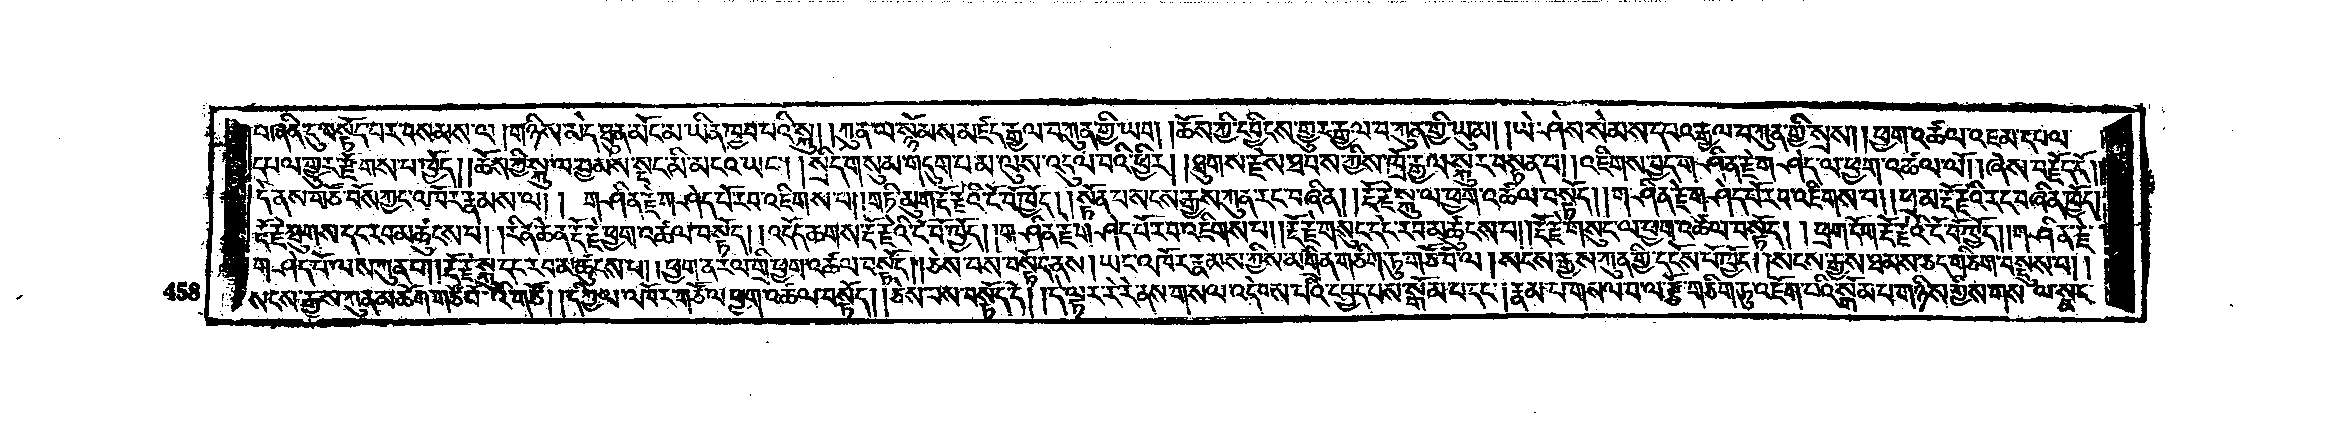བཞིན་དུ་བསྟོད་པར་བསམས་ལ། གཉིས་མེད་ཐུན་མོང་མ་ཡིན་ཁྱབ་པའི་སྐུ། །ཀུན་ལ་སྙོམས་མཛད་རྒྱལ་བ་ཀུན་གྱི་ཡབ། །ཆོས་ཀྱི་དབྱིངས་གྱུར་རྒྱལ་བ་ཀུན་གྱི་ཡུམ། །ཡེ་ཤེས་སེམས་དཔའ་རྒྱལ་བ་ཀུན་གྱི་སྲས། །ཕྱག་འཚལ་འཇམ་དཔལ་
དཔལ་གྱུར་རྫོགས་པ་ཁྱོད། །ཆོས་ཀྱི་སྐུ་ལ་བྱམས་སྡང་མི་མངའ་ཡང་། །སྲིད་གསུམ་གདུག་པ་མ་ལུས་འདུལ་བའི་ཕྱིར། །ཐུགས་རྗེས་ཐབས་ཀྱིས་ཁྲོ་རྒྱལ་སྐུར་བསྟན་པ། །འཇིགས་བྱད་གཤིན་རྗེ་གཤེད་ལ་ཕྱག་འཚལ་ལོ། །ཞེས་བརྗོད་དོ།
དེ་ནས་གཙོ་བོས་ཀྱང་འཁོར་རྣམས་ལ། །གཤིན་རྗེ་གཤེད་པོ་རབ་འཇིགས་པ། །གཏི་མུག་རྡོ་རྗེའི་ངོ་བོ་ཁྱོད། །སྟོན་པ་སངས་རྒྱས་ཀུན་རང་བཞིན། །རྡོ་རྗེ་སྐུ་ལ་ཕྱག་འཚལ་བསྟོད། །གཤིན་རྗེ་གཤེད་པོ་རབ་འཇིགས་པ། །ཕྲ་མ་རྡོ་རྗེའི་རང་བཞིན་ཁྱོད། །
རྡོ་རྗེ་ཐུགས་དང་རབ་མཚུངས་པ། །རིན་ཆེན་རྡོ་རྗེ་ཕྱག་འཚལ་བསྟོད། །འདོད་ཆགས་རྡོ་རྗེའི་ངོ་བོ་ཁྱོད། །གཤིན་རྗེ་གཤེད་པོ་རབ་འཇིགས་པ། །རྡོ་རྗེ་གསུང་དེང་རབ་མཚུངས་པ། །རྡོ་རྗེ་གསུང་ལ་ཕྱག་འཚལ་བསྟོད། །ཕྲག་དོག་རྡོ་རྗེའི་ངོ་བོ་ཁྱོད། །གཤིན་རྗེ་
གཤེད་པོ་ལས་ཀུན་པ། །རྡོ་རྗེ་སྐུ་དང་རབ་མཚུངས་པ། །ཕྱག་ན་རལ་གྲི་ཕྱག་འཚལ་བསྟོད། །ཅེས་པས་བསྟོད་ནས། ཡང་འཁོར་རྣམས་ཀྱིས་མགྲིན་གཅིག་ཏུ་གཙོ་བོ་ལ། སངས་རྒྱས་ཀུན་གྱི་དངོས་པོ་ཁྱོད། །སངས་རྒྱས་ཐམས་ཅད་གཅིག་བསྡུས་པ།
སངས་རྒྱས་ཀུན་མཆོག་གཙོ་བོའི་གཙོ། །དཀྱིལ་འཁོར་གཙོ་ལ་ཕྱག་འཚལ་བསྟོད། །ཅེས་པས་བསྟོད་དོ། །དེ་ལྟར་རེ་རེ་ནས་གསལ་འདེབས་པའི་དཔྱད་པས་སྒོམ་པ་དང་། རྣམ་པ་གསལ་བ་ལ་རྩེ་གཅིག་ཏུ་འཇོག་པའི་སྒོམ་པ་གཉིས་ཀྱིས་གསལ་སྣང་